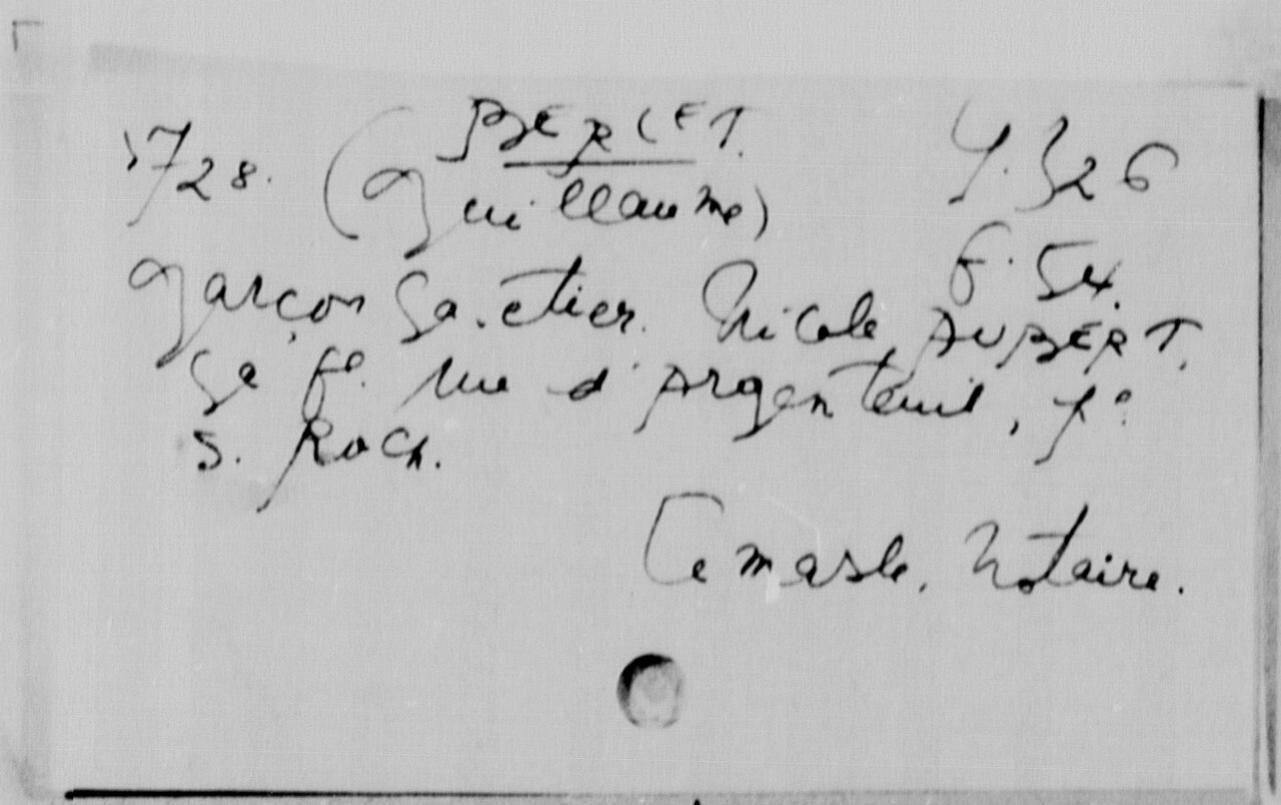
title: BERLET (Guillaume)
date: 1728
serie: Y
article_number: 326
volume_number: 54
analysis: Garçon savetier. Nicole AUBERT, sa femme, rue d'Argenteuil, paroisse Saint Roch. Lemasle, notaire.
